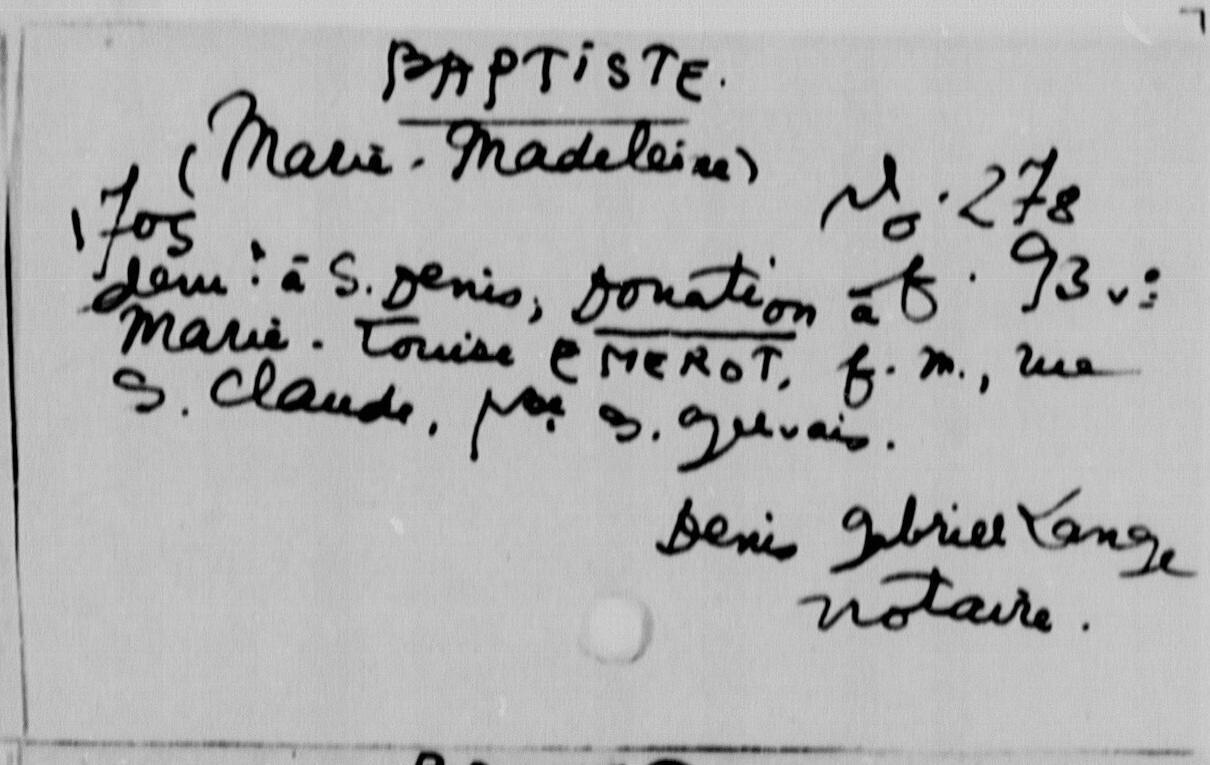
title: BAPTISTE (Marie-Madeleine)
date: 1705
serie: Y
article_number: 278
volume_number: folio 93v
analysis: Demeurant à Saint-Denis Donation à Marie Louise EMEROT, fille majeure, rue Saint-Claude, paroisse Saint-Gervais. Denis Gabriel LANGE, notaire.
